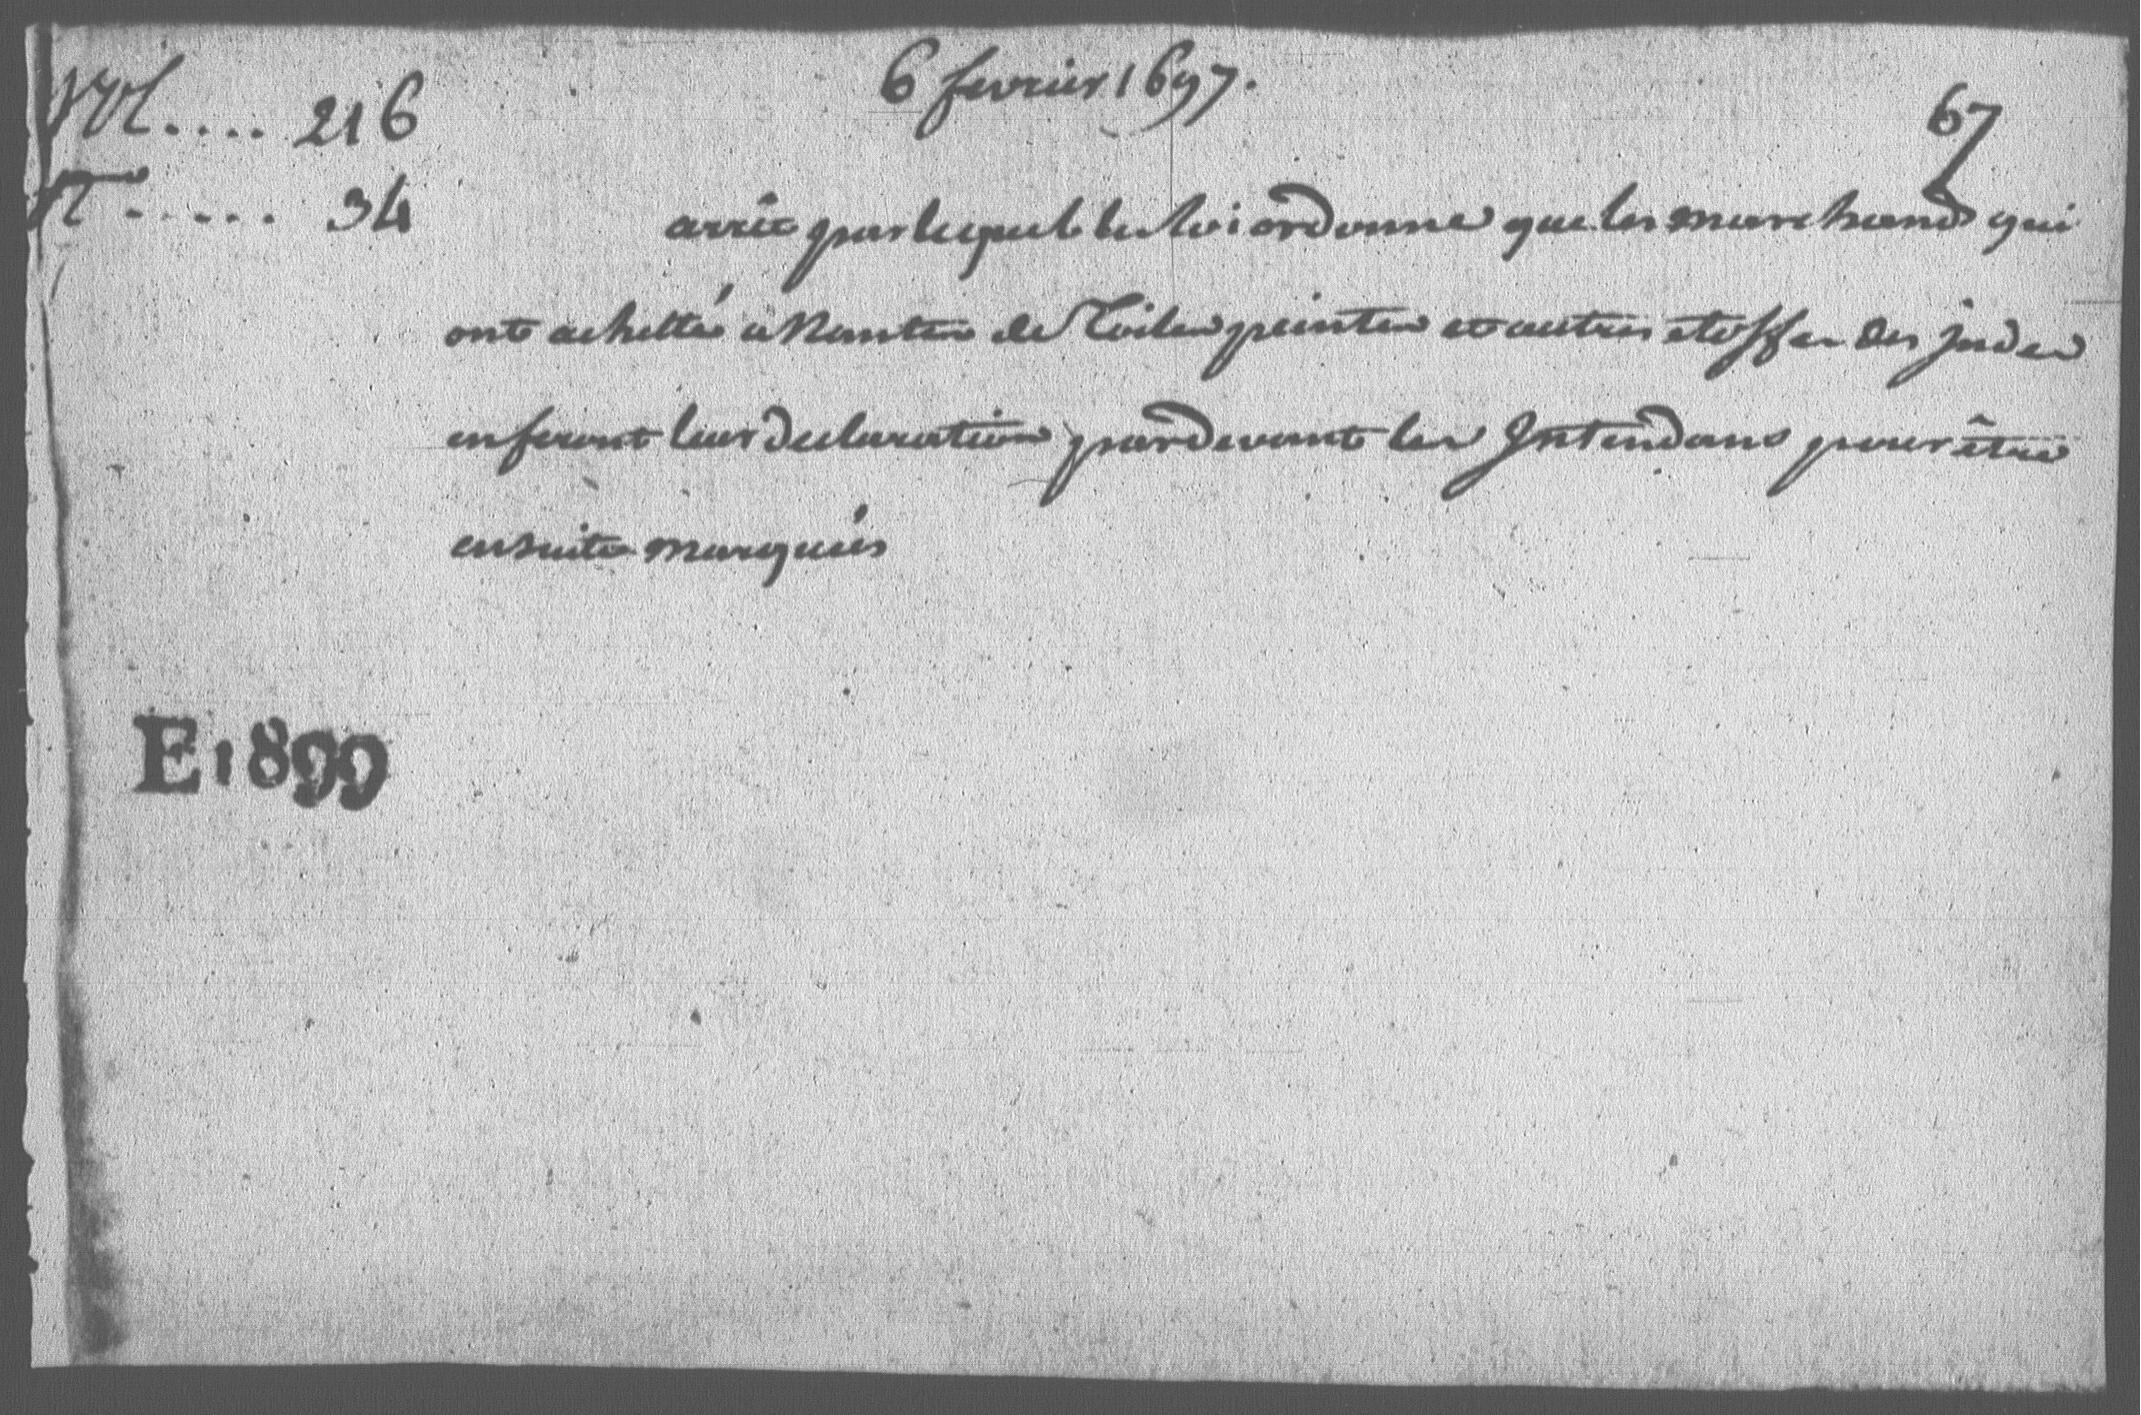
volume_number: n°34
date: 6 février 1697
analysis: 67
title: arrêt par le quel le Roi ordonne que les marchand qui ont achetté à Nantes des Toiles peintes et autres etoffes des indes en feront leur declaration par devant les Intendans pour être ensuite marquées
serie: E
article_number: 1899
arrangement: vol. 216
